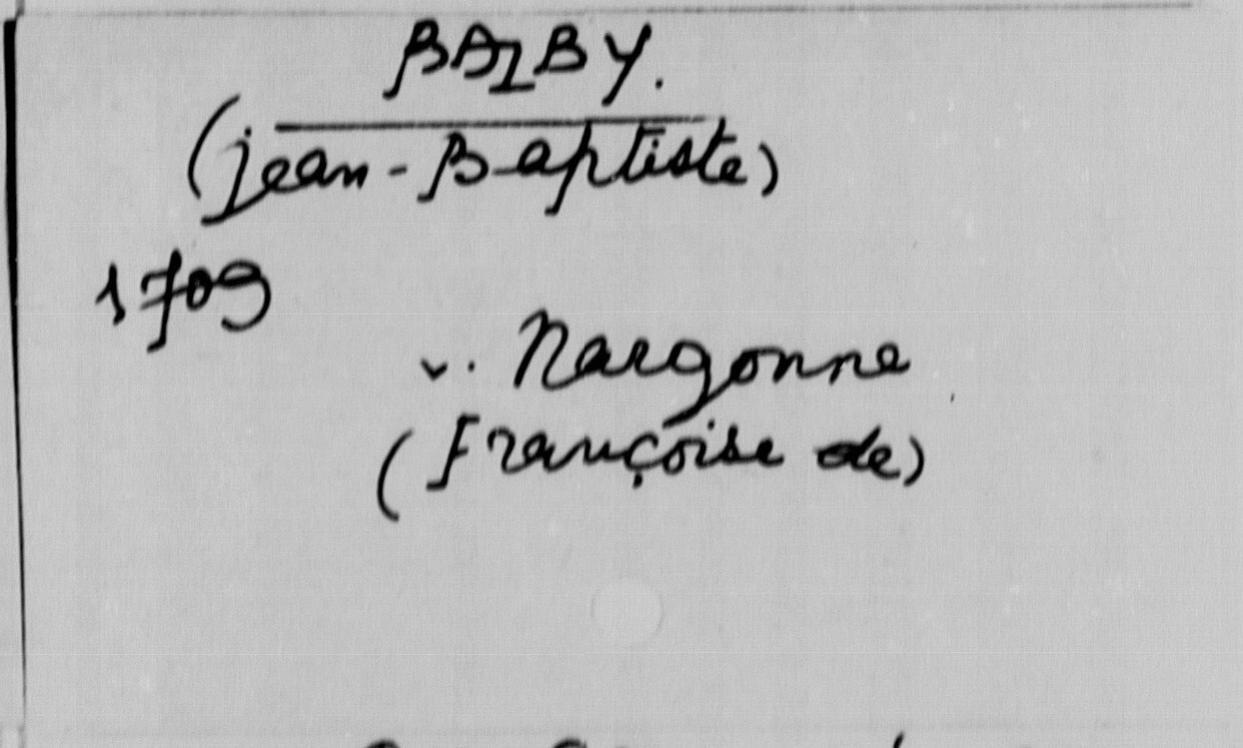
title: BALBY (Jean-Baptiste)
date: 1709
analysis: Voir NARGONNE (Françoise de)
